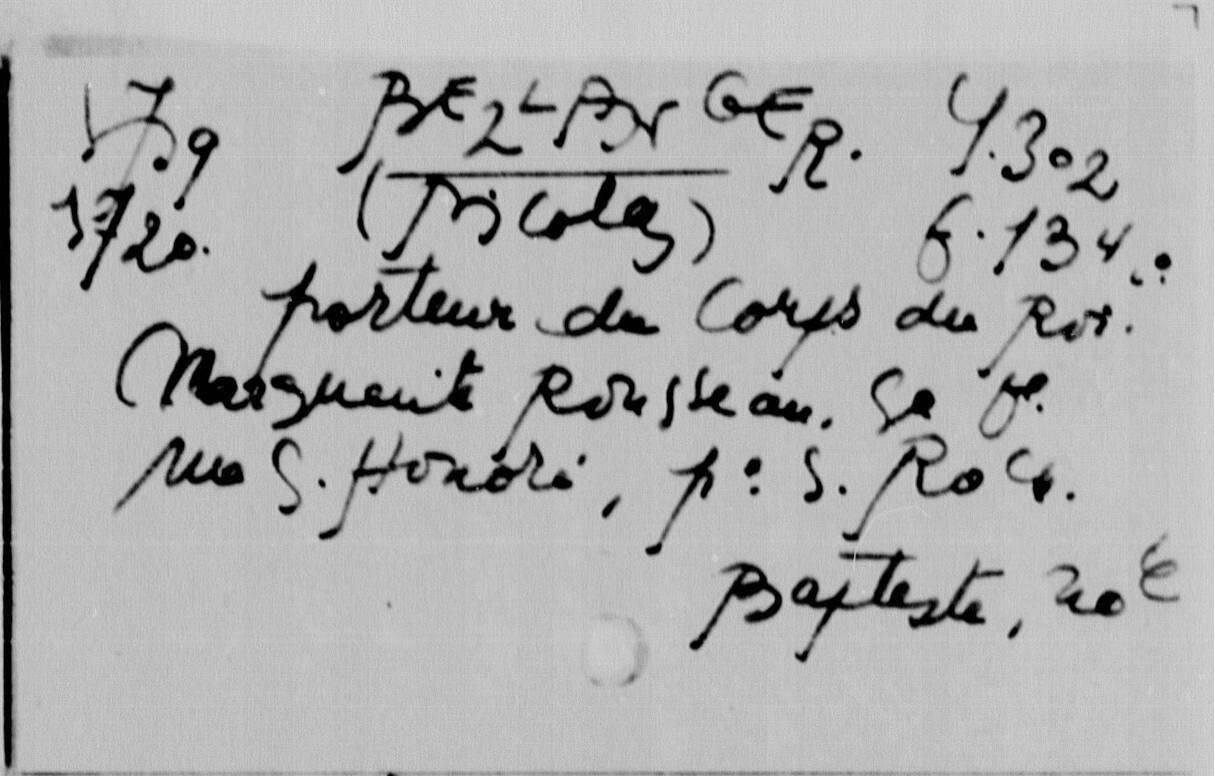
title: BELLANGER (Nicolas)
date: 1719-1720
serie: Y
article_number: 302
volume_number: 134v
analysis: porteur du corps du roi Marguerite Rousseau, sa femme, rue Saint-Honoré, paroisse Saint Roch Bapteste, notaire
